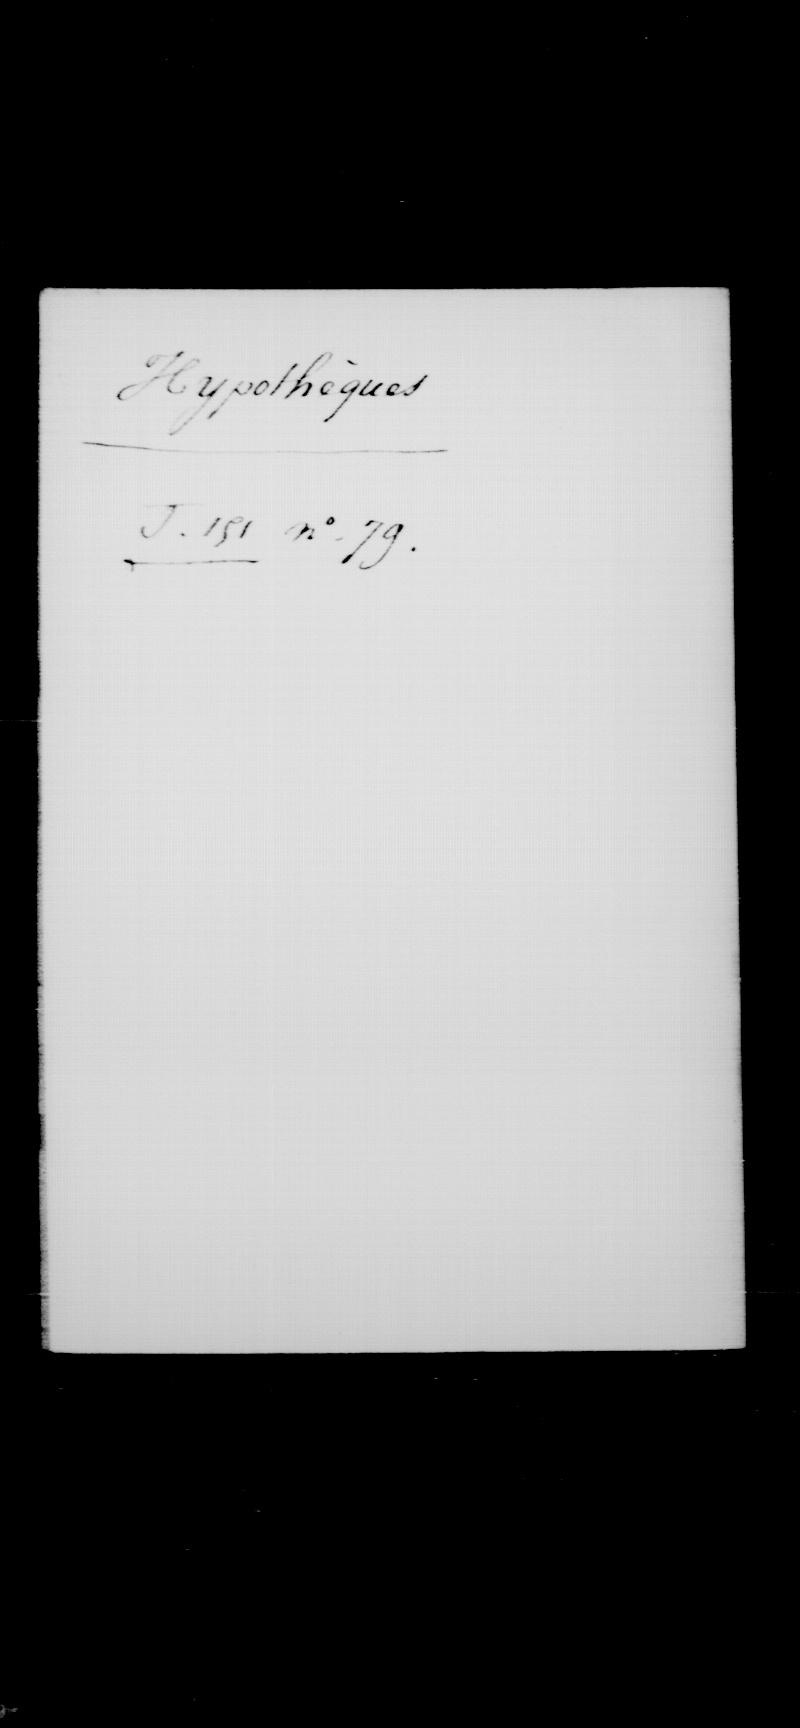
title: Hypothèques
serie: J
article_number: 151
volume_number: n° 79
